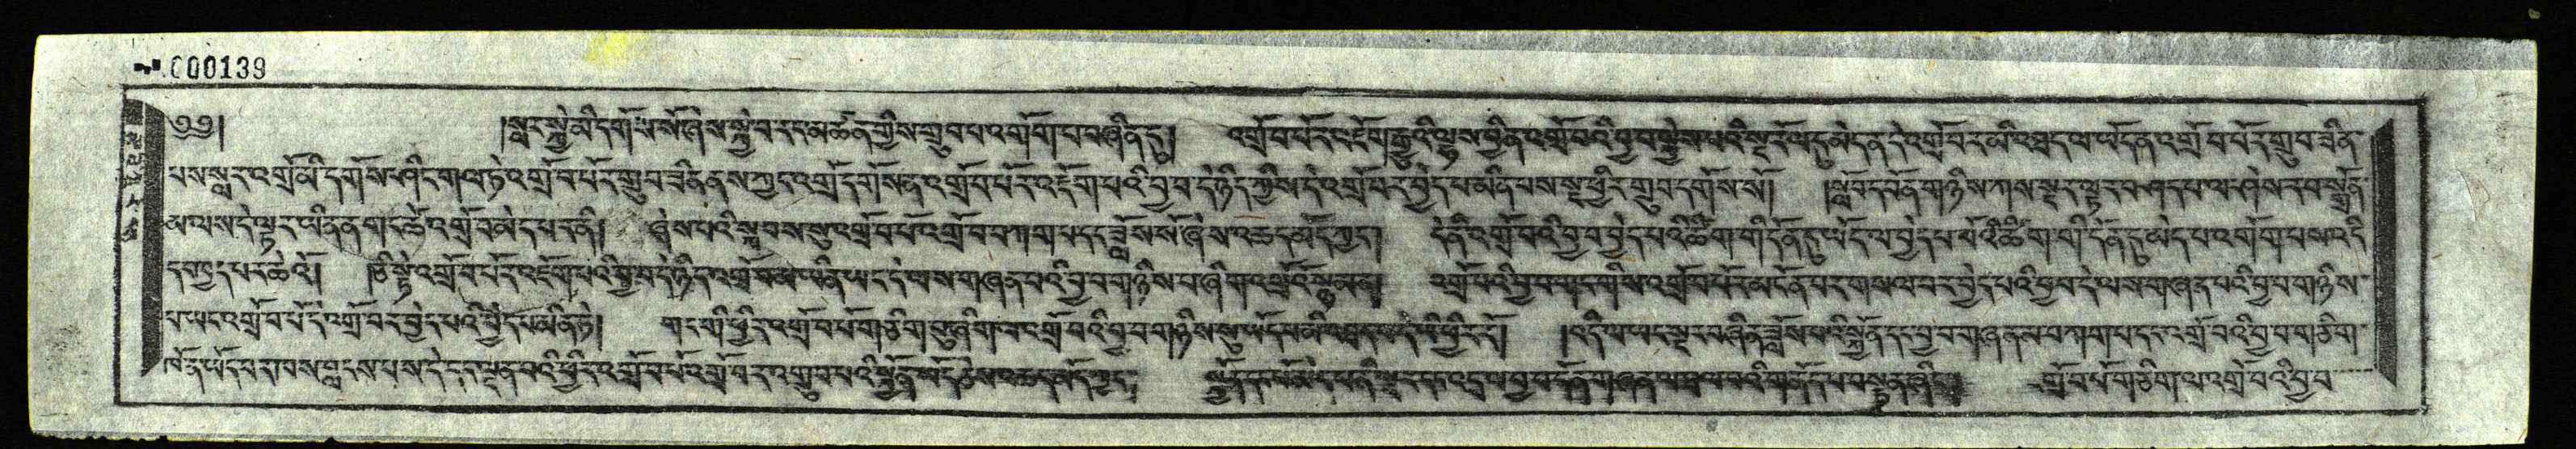༄༅། །སླར་སྐྱེ་མི་དགོས་སོ་ཞེས་སྐྱེ་བ་རང་མཚན་གྱིས་གྲུབ་པ་འགོག་པ་བཞིན་དུ། འགྲོ་བ་པོར་འཇོག་རྒྱུའི་ལྷས་བྱིན་འགྲོ་བའི་བྱ་བ་སྐྱེས་པའི་སྔ་རོལ་དུ་མེད་ན་དེ་འགྲོ་བར་མི་འཐད་ལ་ཡོད་ན་འགྲོ་བ་པོར་གྲུབ་ཟིན་
པས་སླར་འགྲོ་མི་དགོས་ཤིང་གལ་ཏེ་འགྲོ་བ་པོར་གྲུབ་ཟིན་ནས་ཀྱང་འགྲོ་དགོས་ན་འགྲོ་བ་པོར་འཇོག་པའི་བྱ་བ་དེ་ཉིད་ཀྱིས་དེ་འགྲོ་བར་བྱེད་པ་མིན་པས་སྔ་ཕྱིར་གྲུབ་དགོས་སོ། །སློབ་དཔོན་གཉིས་ཀས་སྔར་ལྟར་བཤད་པ་ལ་ཤེས་རབ་སྒྲོན་
མ་ལས་དེ་ལྟར་ཡིན་ན་གང་ཚེ་འགྲོ་བ་མེད་པར་ནི། ཞེས་པའི་སྐབས་སུ་འགྲོ་བ་པོ་འགྲོ་བ་བཀག་པ་དང་ཟློས་སོ་ཞེས་འཆད་མོད་ཀྱང་། དེ་ནི་འགྲོ་བའི་བྱ་བ་བྱེད་པའི་ཚིག་གི་དོན་དུ་ཡོད་ལ་བྱེད་པ་པོའི་ཚིག་གི་དོན་དུ་མེད་པ་འགོག་པ་ལ་འདི་
དག་བྱད་པར་ཆེའོ། །ཅི་སྟེ་འགྲོ་བ་པོར་འཇོག་པའི་བྱ་བ་དེ་ཉིད་འགྲོ་བ་མ་ཡིན་ཡང་དེ་ལས་གཞན་པའི་བྱ་བ་གཉིས་པ་ཞིག་འགྲོའོ་སྙམ་ན། འགྲོ་པའི་བྱ་བ་གང་གིས་འགྲོ་བ་པོར་མངོན་པར་གསལ་བར་བྱེད་པའི་བྱ་བ་དེ་ལས་གཞན་པའི་བྱ་བ་གཉིས་
པ་ཡང་འགྲོ་བ་པོ་དེ་འགྲོ་བར་བྱེད་པའི་བྱེད་པ་མིན་ཏེ། གང་གི་ཕྱིར་འགྲོ་བ་པོ་གཅིག་བུ་ཞིག་ལ་འགྲོ་བའི་བྱ་བ་གཉིས་སུ་ཡོད་པ་མི་འཐད་པ་དེ་ཡི་ཕྱིར་རོ། །འདི་ལ་ཡང་སྔར་བཞིན་ཟློས་པའི་སྐྱོན་དང་བྱ་བ་གཞན་པ་བཀག་པ་དང་འགྲོ་བའི་བྱ་བ་གཅིག་
ཁོ་ན་ཡོད་པར་ཁས་བླངས་པས་དེ་དང་ལྡན་པའི་ཕྱིར་འགྲོ་བ་པོ་འགྲོ་བར་འགྲུབ་པའི་སྐྱོན་ཡོད་ཅེས་འཆད་མོད་ཀྱང་། སྐྱོན་དང་པོ་མེད་པ་ནི་སྔར་དང་འདྲ་ལ་བྱ་བ་དོན་གཞན་ལ་ཐལ་བའི་གནོད་པ་བསྟན་ཞིང་། འགྲོ་བ་པོ་གཅིག་ལ་འགྲོ་བའི་བྱ་བ་